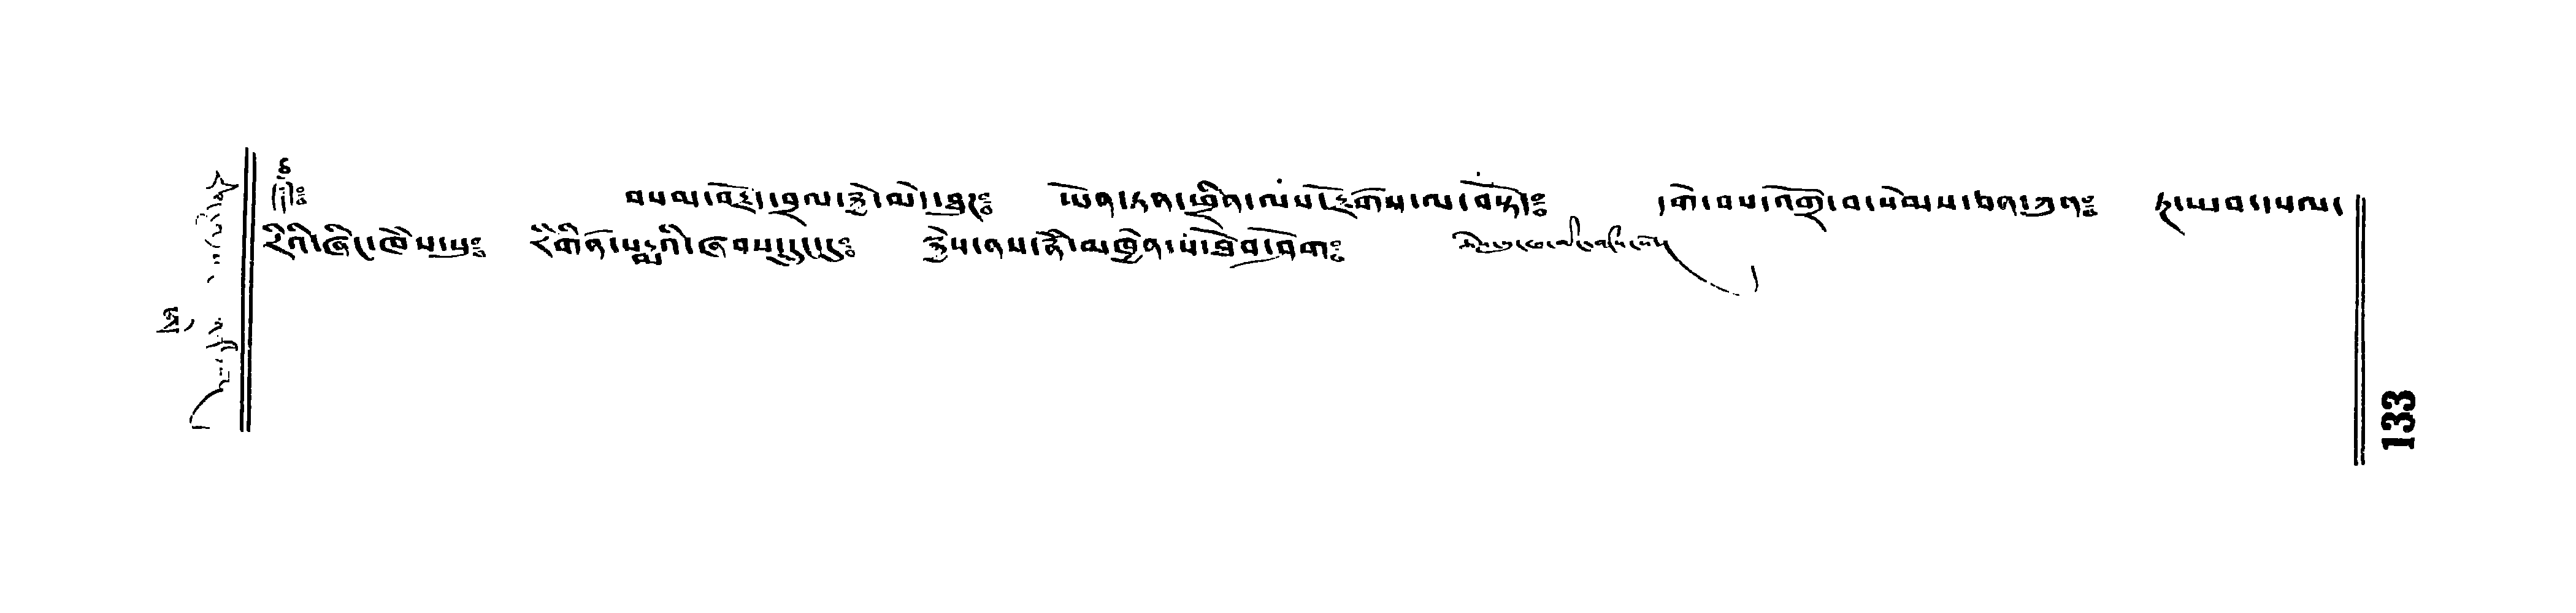བསམ་བརྗོད་བྲལ་སྐྱེ་མེད་ཐུགས༔ ཡོན་ཏན་ཕྲིན་ལས་རྫོགས་ལ་བསྟོད༔ དགེ་བས་འགྲོ་བ་སེམས་ཅན་ཀུན༔ རྔ་ཡབ་དཔལ་
རིའི་ཞིང་ཁམས་སུ༔ རིག་འཛིན་པདྨའི་ཞབས་དྲུང་དུ༔ སྐྱེས་ནས་རྣམ་མཁྱེན་ས་འཐོབ་ཤོག༔ ཅེས་སུ་ཁའི་མིང་གིས་སོ།།